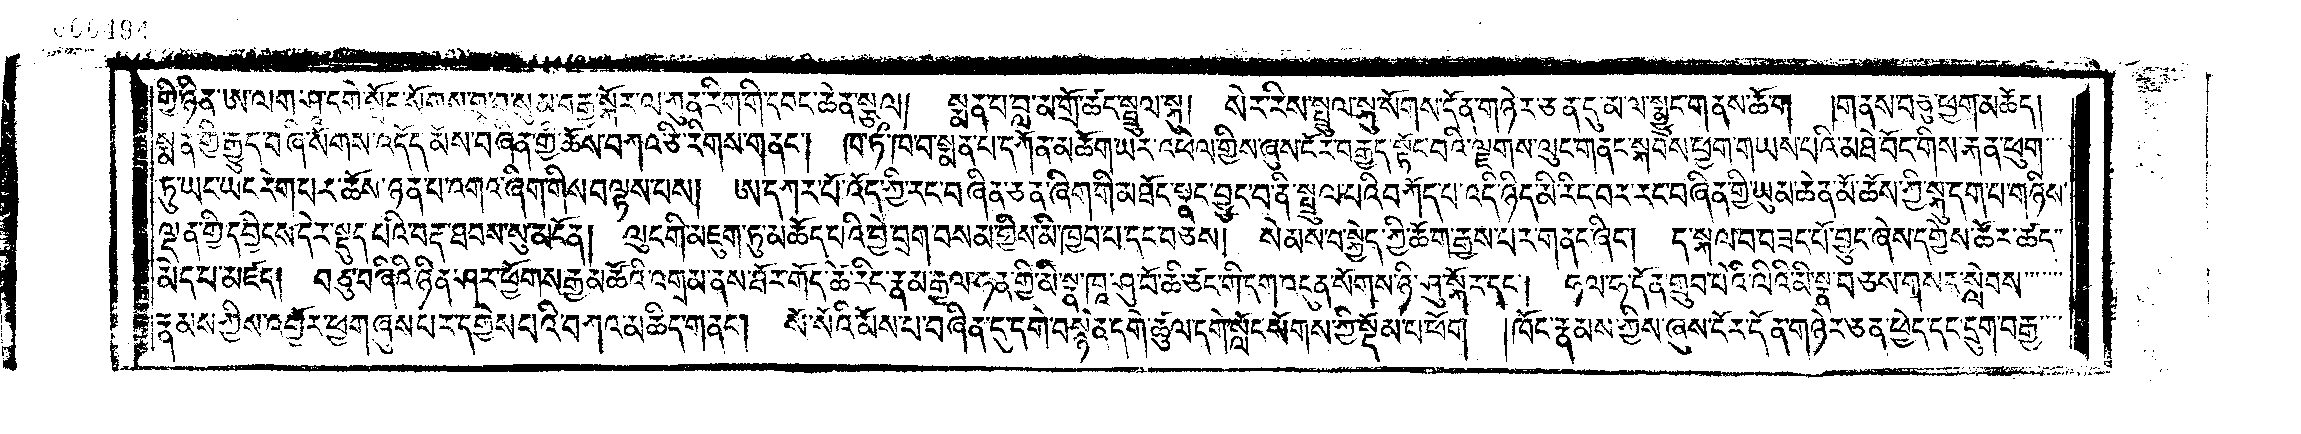གྱི་ཉིན་ཨ་ལག་ཤཱ་དགེ་སློང་སོགས་གྲྭ་བ་སུམ་བརྒྱ་སྐོར་ལ་ཀུན་རིག་གི་དབང་ཆེན་སྩལ། སྨན་བ་བླ་མ་གྲོ་ཚང་སྤྲུལ་སྐུ། སེར་རིས་སྤྲུལ་སྐུ་སོགས་དོན་གཉེར་ཅན་དུ་མ་ལ་སྨྱུང་གནས་ཆོ་ག །གནས་བཅུ་ཕྱག་མཆོད།
སྨན་གྱི་རྒྱུད་བཞི་སོགས་འདོད་མོས་བཞིན་གྱི་ཆོས་བཀའ་ཅི་རིགས་གནང་། ཁ་ཏྀ་ཁ་བ་སྨན་པ་དཀོན་མཆོག་ཡར་འཕེལ་གྱིས་ཞུས་ངོར་བརྒྱད་སྟོང་པའི་ལྗགས་ལུང་གནང་སྐབས་ཕྱག་གཡས་པའི་མཐེ་བོང་གིས་རྐན་ཕུག་
ཏུ་ཡང་ཡང་རེག་པར་ཆོས་ཉན་པ་འགའ་ཞིག་གིས་བལྟས་པས། ཨ་དཀར་པོ་འོད་ཀྱི་རང་བཞིན་ཅན་ཞིག་གི་མཐོང་སྣང་བྱུང་བ་ནི་སྤྲུལ་པའི་བཀོད་པ་འདི་ཉིད་མི་རིང་བར་རང་བཞིན་གྱི་ཡུམ་ཆེན་མོ་ཆོས་ཀྱི་སྐུ་དག་པ་གཉིས་
ལྡན་གྱི་དབྱིངས་དེར་སྡུད་པའི་བརྡ་ཐབས་སུ་མངོན། ལུང་གི་མཇུག་ཏུ་མཆོད་པའི་བྱེ་བྲག་བསམ་གྱིས་མི་ཁྱབ་པ་དང་བཅས། སེམས་བསྐྱེད་ཀྱི་ཆོ་ག་རྒྱས་པར་གནང་ཞིང་། ད་སྐལ་བ་བཟང་པོ་བྱུང་ཞེས་དགྱེས་ཚོར་ཚད་
མེད་པ་མཛད། བཅུ་བཞིའི་ཉིན་ཤར་ཕྱོགས་རྒྱ་མཚོའི་འགྲམ་ནས་ཐོར་གོད་ཚེ་རིང་རྣམ་རྒྱལ་ཧན་གྱི་མི་སྣ་ཁཱ་ཤུ་བོ་ཆི་ཙང་གི་དགེ་འདུན་སོགས་ཉི་ཤུ་སྐོར་དང་། ཧལ་ཧ་དོན་གྲུབ་པེའི་ལིའི་མི་སྣ་བཅས་གསར་སླེབས་
རྣམས་ཀྱིས་འབྱོར་ཕྱག་ཞུས་པར་དགྱེས་པའི་བཀའ་མཆིད་གནང་། སོ་སོའི་མོས་པ་བཞིན་དུ་དགེ་བསྙེན་དགེ་ཚུལ་དགེ་སློང་སོགས་ཀྱི་སྡོམ་པ་ཕོག །ཁོང་རྣམས་ཀྱིས་ཞུས་དོར་དོན་གཉེར་ཅན་ཕྱེད་དང་དྲུག་བརྒྱ་